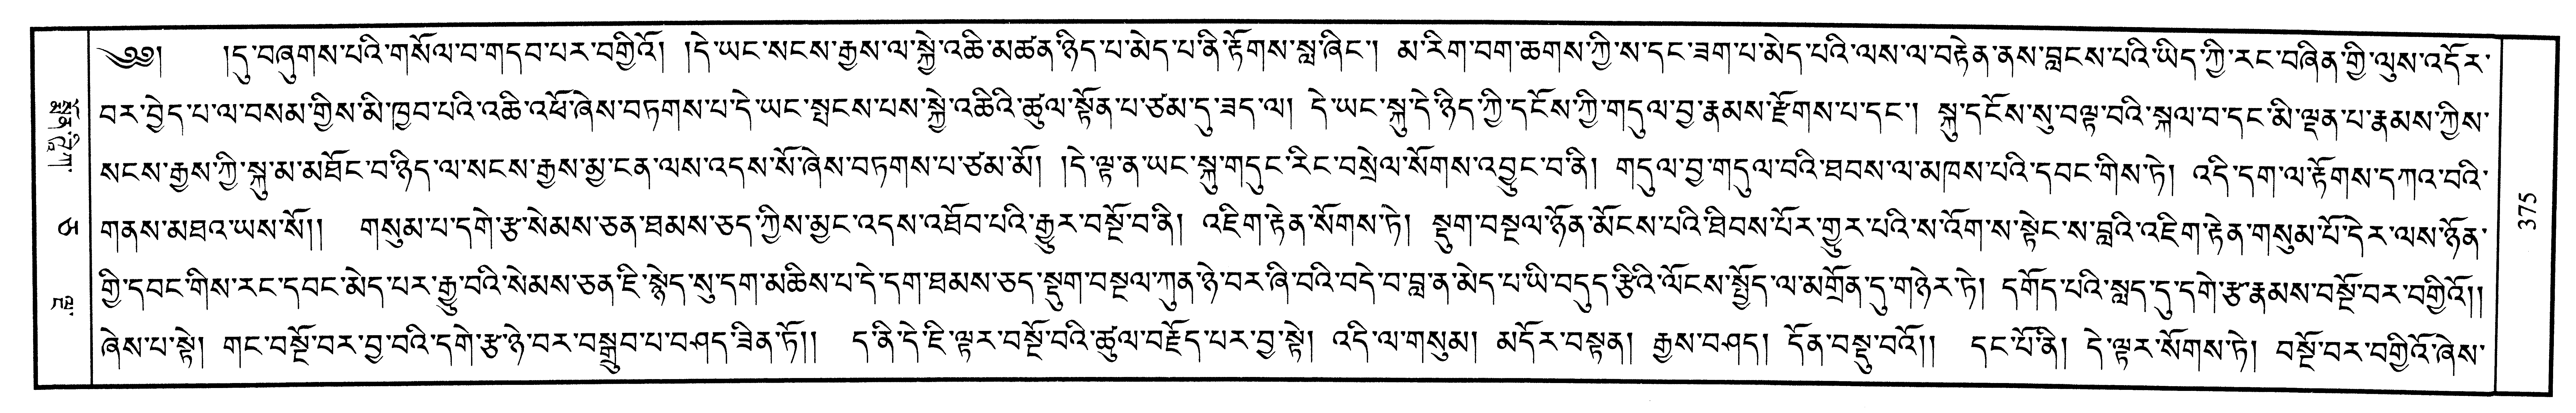༄༅། །དུ་བཞུགས་པའི་གསོལ་བ་གདབ་པར་བགྱིའོ། །དེ་ཡང་སངས་རྒྱས་ལ་སྐྱེ་འཆི་མཚན་ཉིད་པ་མེད་པ་ནི་རྟོགས་སླ་ཞིང་། མ་རིག་བག་ཆགས་ཀྱི་ས་དང་ཟག་པ་མེད་པའི་ལས་ལ་བརྟེན་ནས་བླངས་པའི་ཡིད་ཀྱི་རང་བཞིན་གྱི་ལུས་འདོར་
བར་བྱེད་པ་ལ་བསམ་གྱིས་མི་ཁྱབ་པའི་འཆི་འཕོ་ཞེས་བཏགས་པ་དེ་ཡང་སྤངས་པས་སྐྱེ་འཆིའི་ཚུལ་སྟོན་པ་ཙམ་དུ་ཟད་ལ། དེ་ཡང་སྐུ་དེ་ཉིད་ཀྱི་དངོས་ཀྱི་གདུལ་བྱ་རྣམས་རྫོགས་པ་དང་། སྐུ་དངོས་སུ་བལྟ་བའི་སྐལ་བ་དང་མི་ལྡན་པ་རྣམས་ཀྱིས་
སངས་རྒྱས་ཀྱི་སྐུ་མ་མཐོང་བ་ཉིད་ལ་སངས་རྒྱས་མྱ་ངན་ལས་འདས་སོ་ཞེས་བཏགས་པ་ཙམ་མོ། །དེ་ལྟ་ན་ཡང་སྐུ་གདུང་རིང་བསྲེལ་སོགས་འབྱུང་བ་ནི། གདུལ་བྱ་གདུལ་བའི་ཐབས་ལ་མཁས་པའི་དབང་གིས་ཏེ། འདི་དག་ལ་རྟོགས་དཀའ་བའི་
གནས་མཐའ་ཡས་སོ།། གསུམ་པ་དགེ་རྩ་སེམས་ཅན་ཐམས་ཅད་ཀྱིས་མྱང་འདས་འཐོབ་པའི་རྒྱུར་བསྔོ་བ་ནི། འཇིག་རྟེན་སོགས་ཏེ། སྡུག་བསྔལ་ཉོན་མོངས་པའི་ཐིབས་པོར་གྱུར་པའི་ས་འོག་ས་སྟེང་ས་བླའི་འཇིག་རྟེན་གསུམ་པོ་དེར་ལས་ཉོན་
གྱི་དབང་གིས་རང་དབང་མེད་པར་རྒྱུ་བའི་སེམས་ཅན་ཇི་སྙེད་སུ་དག་མཆིས་པ་དེ་དག་ཐམས་ཅད་སྡུག་བསྔལ་ཀུན་ཉེ་བར་ཞི་བའི་བདེ་བ་བླ་ན་མེད་པ་ཡི་བདུད་རྩིའི་ལོངས་སྤྱོད་ལ་མགྲོན་དུ་གཉེར་ཏེ། དགོད་པའི་སླད་དུ་དགེ་རྩ་རྣམས་བསྔོ་བར་བགྱིའོ།།
ཞེས་པ་སྟེ། གང་བསྔོ་བར་བྱ་བའི་དགེ་རྩ་ཉེ་བར་བསྒྲུབ་པ་བཤད་ཟིན་ཏོ།། ད་ནི་དེ་ཇི་ལྟར་བསྔོ་བའི་ཚུལ་བརྗོད་པར་བྱ་སྟེ། འདི་ལ་གསུམ། མདོར་བསྟན། རྒྱས་བཤད། དོན་བསྡུ་བའོ།། དང་པོ་ནི། དེ་ལྟར་སོགས་ཏེ། བསྔོ་བར་བགྱིའོ་ཞེས་